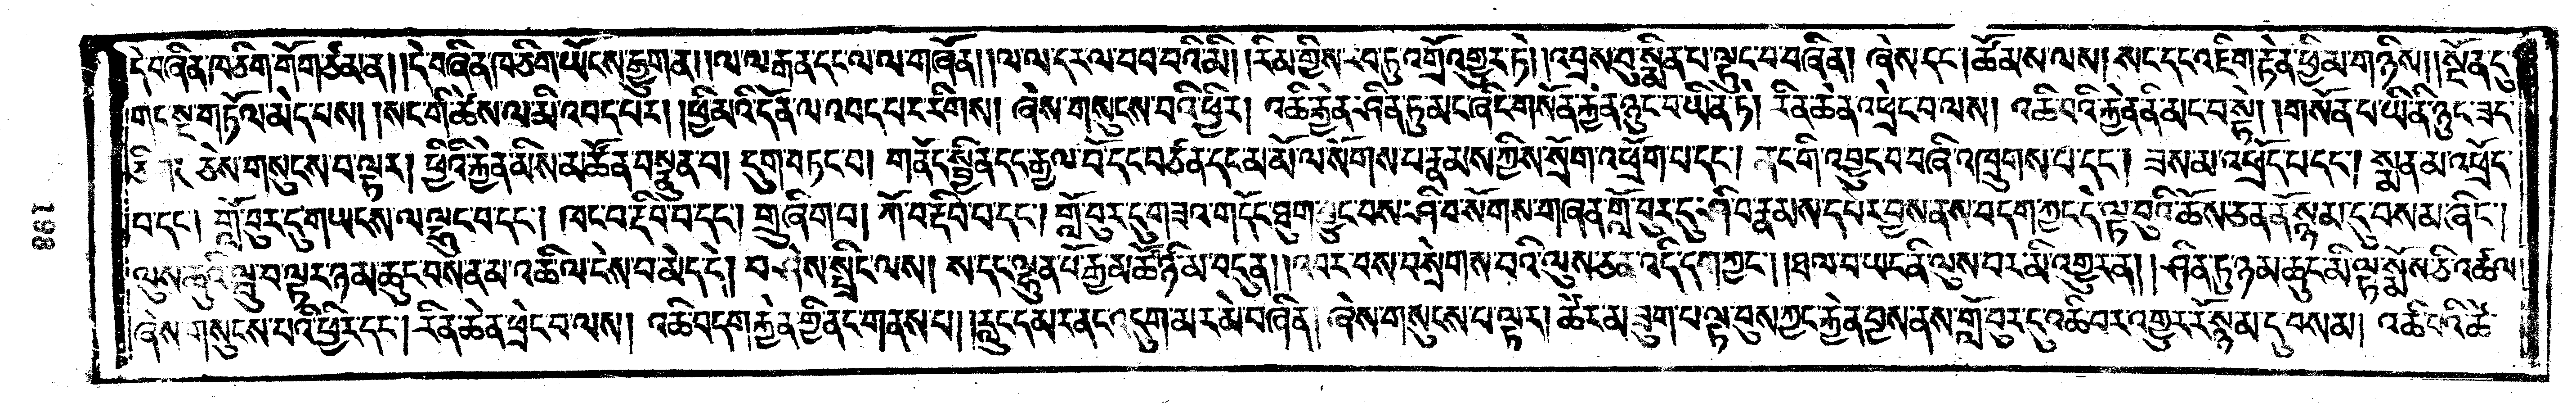དེ་བཞིན་ཁ་ཅིག་གོག་ཙམ་ན། །དེ་བཞིན་ཁ་ཅིག་ཡོངས་རྒྱུག་ན། །ལ་ལ་དར་དང་ལ་ལ་གཞོན། །ལ་ལ་དར་ལ་བབ་བའི་མི། །རིམ་གྱིས་རབ་ཏུ་འགྲོ་འགྱུར་ཏེ། །འབྲས་བུ་སྨིན་པ་ལྟུང་བ་བཞིན། ཞེས་དང་། ཚོམས་ལས། སང་དང་འཇིག་རྟེན་ཕྱི་མ་གཉིས། །སྔོན་དུ་
གང་སྔ་གཏོལ་མེད་པས། །སང་གི་ཚེས་ལ་མི་འབད་པར། །ཕྱི་མའི་དོན་ལ་འབད་པར་རིགས། ཞེས་གསུངས་བའི་ཕྱིར། འཆི་རྐྱེན་ཤིན་ཏུ་མང་ཞིང་གསོན་རྐྱེན་ཉུང་བ་ཡིན་ཏེ། རིན་ཆེན་འཕྲེང་བ་ལས། འཆི་བའི་རྐྱེན་ནི་མང་པ་སྟེ། །གསོན་པ་ཡི་ནི་ཉུང་ཟད་
ཅིག༑ ཅེས་གསུངས་བ་ལྟར། ཕྱིའི་རྐྱེན་མིས་མཚོན་བསྣུན་བ། དུག་བཏང་བ། གནོད་སྦྱིན་དང་རྒྱལ་བོ་དང་བཙན་དང་མ་མོ་ལ་སོགས་པ་རྣམས་ཀྱི་སྲོག་འཕྲོག་པ་དང་། ནང་གི་འབྱུང་བ་བཞི་འཁྲུགས་པ་དང་། ཟས་མ་འཕྲོད་པ་དང་། སྨན་མ་འཕྲོད་
བ་དང་། གློ་བུར་དུ་གཡངས་ལ་ལྷུང་བ་དང་། ཁང་བ་རྡིབ་བ་དང་། གྲུ་ཞིག་བ། ཀོ་བ་རྡིབ་བ་དང་། གློ་བུར་དུ་གཟའ་གདོང་ཐུག་བྱུང་བས་ཤི་བ་སོགས་གཞན་གློ་བུར་དུ་ཤི་བ་རྣམས་དཔེར་བྱས་ནས་བདག་ཀྱང་དེ་ལྟ་བུའི་ཆོས་ཅན་ནོ་སྙམ་དུ་བསམ་ཞིང་།
ལུས་ཆུའི་ལྤུ་བ་ལྟར་ཉམ་ཆུང་བསན་ནམ་འཆི་ལ་ངེས་བ་མེད་དེ། བཤེས་སྤྲིང་ལས། ས་དང་ལྷུན་པོ་རྒྱ་མཚོ་ཉི་མ་བདུན། །འབར་བས་བསྲེགས་པའི་ལུས་ཅན་འདི་དག་ཀྱང་། །ཐལ་བ་ཡང་ནི་ལུས་བར་མི་འགྱུར་ན། །ཤིན་ཏུ་ཉམ་ཆུང་མི་ལྟ་སྨོས་ཅི་འཚལ་
ཞེས་གསུངས་པའི་ཕྱིར་དང་། རིན་ཆེན་ཕྲེང་བ་ལས། འཆི་བདག་རྐྱེན་གྱི་ནང་གནས་པ། །རླུང་དམར་ནང་འདུག་མར་མེ་བཞིན། ཞེས་གསུངས་པ་ལྟར། ཚེར་མ་ཟུག་པ་ལྟ་བུས་ཀྱང་རྐྱེན་བྱས་ནས་གློ་བུར་དུ་འཆི་བར་འགྱུར་རོ་སྙམ་དུ་བསམ། འཆི་པའི་ཚེ་